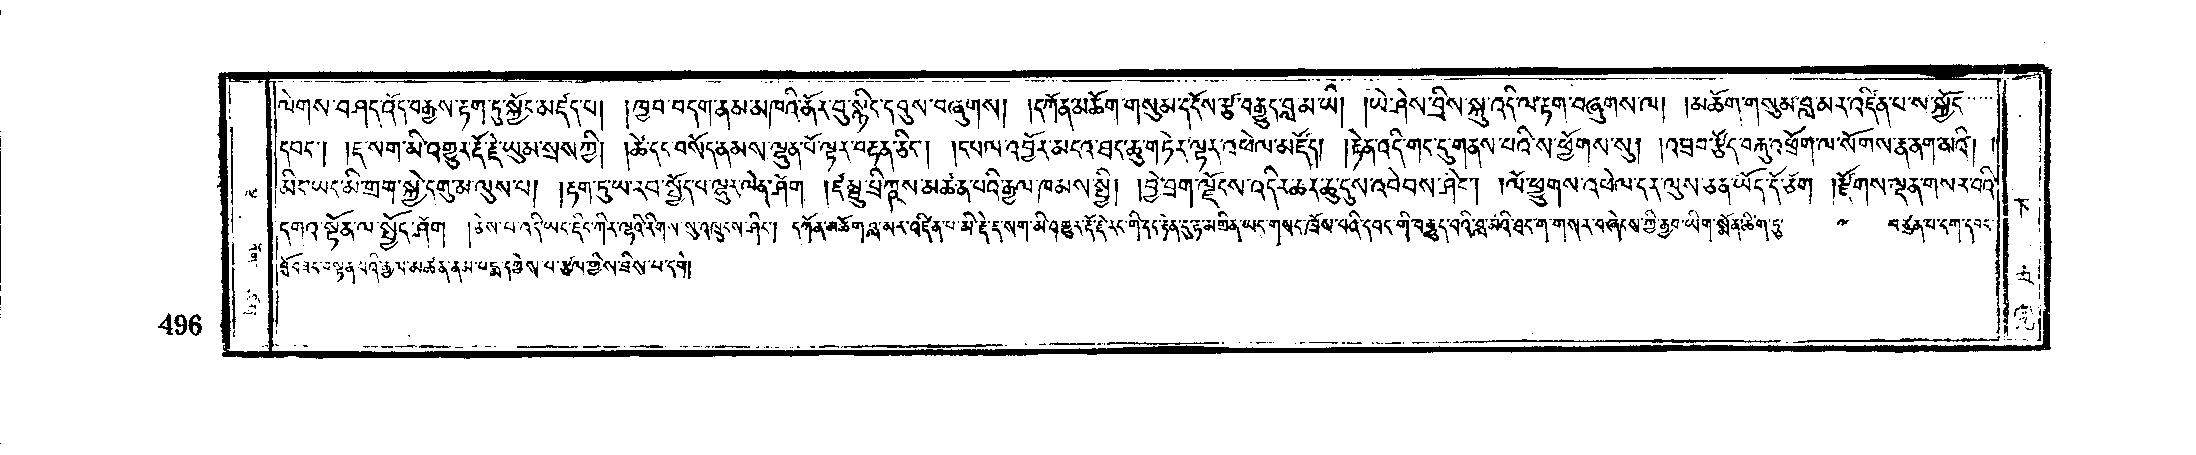ལེགས་བཤད་འོད་བརྒྱས་རྟག་ཏུ་སྐྱོང་མཛད་པ། །ཁྱབ་བདག་ནམ་མཁའི་ནོར་བུ་སྙིང་དབུས་བཞུགས། །དཀོན་མཆོག་གསུམ་དངོས་རྩ་བརྒྱུད་བླ་མ་ཡི། །ཡེ་ཤེས་བྲིས་སྐུ་འདི་ལ་རྟག་བཞུགས་ལ། །མཆོག་གསུམ་བླ་མར་འཛིན་པ་ས་སྐྱོང་
དབང་། །ཇ་སག་མི་འགྱུར་རྡོ་རྗེ་ཡུམ་སྲས་ཀྱི། །ཚེ་དང་བསོད་ནམས་ལྷུན་པོ་ལྟར་བརྟན་ཅིང་། །དཔལ་འབྱོར་མངའ་ཐང་ཆུ་གཏེར་ལྟར་འཕེལ་མཛོད། །རྟེན་འདི་གང་དུ་གནས་པའི་ས་ཕྱོགས་སུ། །འཐབ་རྩོད་བརྐུ་འཕྲོག་ལ་སོགས་རྣ་ནག་མའི། །
མིང་ཡང་མི་གྲག་སྐྱེ་དགུ་མ་ལུས་པ། །རྟག་ཏུ་ཡ་རབ་སྤྱོད་པ་ལྷུར་ལེན་ཤོག །ཛམྦུ་པྲིཀྵས་མཚན་པའི་རྒྱལ་ཁམས་སྤྱི། །བྱེ་བྲག་ལྗོངས་འདིར་ཆར་ཆུ་དུས་འབེབས་ཤིང་། །ལོ་ཕྱུགས་འཕེལ་དར་ལུས་ཅན་ཡོད་དོ་ཅོག?་།རྫོགས་ལྡན་གསར་བའི་
དགའ་སྟོན་ལ་སྤྱོད་ཤོག །ཅེས་པ་འདི་ཡང་ཇིང་ཀིར་ལྷའི་རིགས་སུ་འཁྲུངས་ཤིང་། དཀོན་མཆོག་བླ་མར་འཛིན་པ་མི་རྗེ་ཇ་སག་མི་འགྱུར་རྡོ་རྗེ་རང་གི་དང་རྟེན་དུ་རྟ་མགྲིན་ཡང་གསང་ཁྲོས་པའི་དབང་གི་བརྒྱུད་བའི་བླ་མའི་ཐང་ག་གསར་བཞེངས་ཀྱི་རྒྱབ་ཡིག་སྨོན་ཚིག་ཏུ ༧་བཙུན་པ་ངག་དབང་
བློ་བཟང་བསྟན་པའི་རྒྱལ་མཚན་ནམ་པདམ་དགྱེས་པ་རྩལ་གྱིས་བྲིས་པ་དགེ།